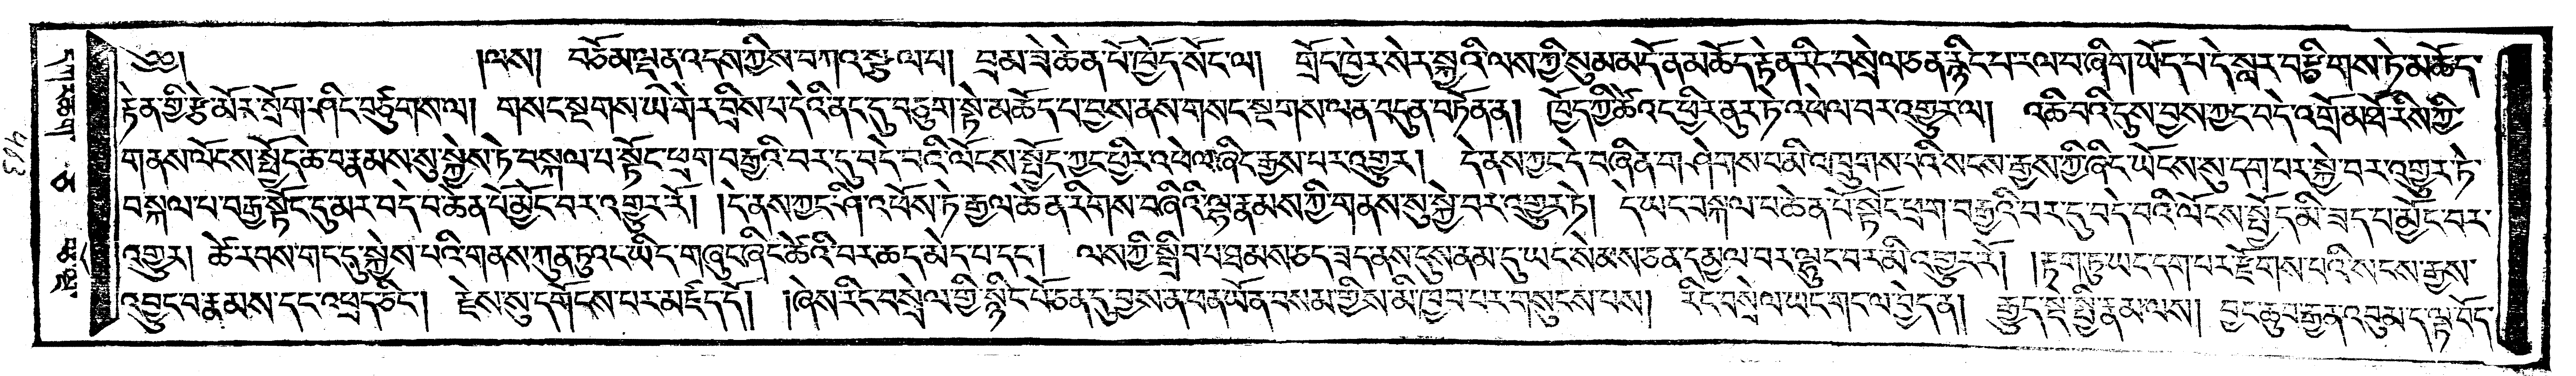༄༅། །ལས། བཅོམ་ལྡན་འདས་ཀྱིས་བཀའ་སྩལ་བ། བྲམ་ཟེ་ཆེན་པོ་ཁྱོད་སོང་ལ། གྲོང་ཁྱེར་སེར་སྐྱའི་ལས་ཀྱི་སུམ་མདོ་ན་མཆོད་རྟེན་རིང་བསྲེལ་ཅན་རྙིང་པ་རལ་བ་ཞིག་ཡོད་པ་དེ་སླར་བརྩིགས་ཏེ་མཆོད་
རྟེན་གྱི་རྩེ་མོར་སྲོག་ཤིང་བཙུགས་ལ། གསང་སྔགས་ཡི་གེར་བྲིས་པ་དེའི་ནང་དུ་བཅུག་སྟེ་མཆོད་པ་བྱས་ནས་གསང་སྔགས་ལན་བདུན་བཏོན་ན། ཁྱོད་ཀྱི་ཚེའང་ཕྱིར་ནུར་ཏེ་འཕེལ་བར་འགྱུར་ལ། འཆི་བའི་དུས་བྱས་ཀྱང་བདེ་འགྲོ་མཐོ་རིས་ཀྱི་
གནས་ལོངས་སྤྱོད་ཆེ་བ་རྣམས་སུ་སྐྱེས་ཏེ་བསྐལ་པ་སྟོང་ཕྲག་བརྒྱའི་བར་དུ་བདེ་བའི་ལོངས་སྤྱོད་ཀྱང་ཕྱིར་འཕེལ་ཞིང་རྒྱས་པར་འགྱུར། དེ་ནས་ཀྱང་དེ་བཞིན་གཤེགས་པ་མི་འཁྲུགས་པའི་སངས་རྒྱས་ཀྱི་ཞིང་ཡོངས་སུ་དག་པར་སྐྱེ་བར་འགྱུར་ཏེ་
བསྐལ་པ་བརྒྱ་སྟོང་དུ་མར་བདེ་བ་ཆེན་པོ་མྱོང་བར་འགྱུར་རོ། །དེ་ནས་ཀྱང་ཤི་འཕོས་ཏེ་རྒྱལ་ཆེན་རིགས་བཞིའི་ལྷ་རྣམས་ཀྱི་གནས་སུ་སྐྱེ་བར་འགྱུར་ཏེ། དེ་ཡང་བསྐལ་པ་ཆེན་པོ་སྟོང་ཕྲག་བརྒྱའི་བར་དུ་བདེ་བའི་ལོངས་སྤྱོད་མི་ཟད་པ་མྱོང་བར་
འགྱུར། ཚེ་རབས་གང་དུ་སྐྱེས་པའི་གནས་ཀུན་ཏུའང་ཡིད་གཞུང་ཞིང་ཚེའི་བར་ཆད་མེད་པ་དང་། ལས་ཀྱི་སྒྲིབ་པ་ཐམས་ཅད་ཟད་ནས་དུས་ནམ་དུ་ཡང་སེམས་ཅན་དམྱལ་བར་ལྷུང་བར་མི་འགྱུར་རོ། །རྟག་ཏུ་ཡང་དག་པར་རྫོགས་པའི་སངས་རྒྱས་
འབྱུང་བ་རྣམས་དང་འཕྲད་ཅིང་། རྗེས་སུ་དགོངས་བར་མཛད་དོ། །ཞེས་རིང་བསྲེལ་གྱི་སྙིང་པོ་ཅན་དུ་བྱས་ན་ཕན་ཡོན་བསམ་གྱིས་མི་ཁྱབ་བར་གསུངས་པས། རིང་བསྲེལ་ཡང་གང་ལ་བྱེད་ན། རྒྱུད་སྡེ་སྤྱི་རྣམ་ལས། བྱང་ཆུབ་རྒྱན་འབུམ་ད་ལྟ་བོད་